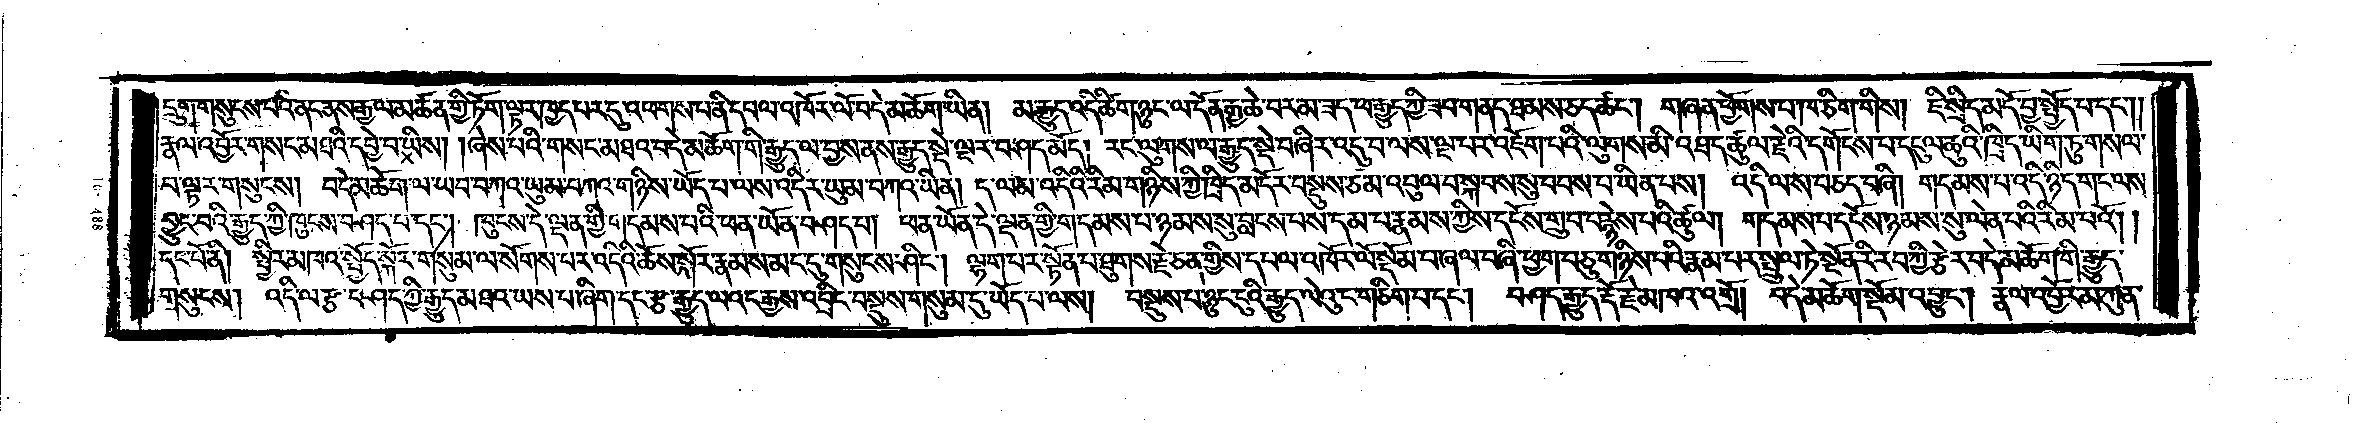དྲུག་གསུངས་པའི་ནང་ནས་རྒྱལ་མཚན་གྱི་ཏོག་ལྟར་ཁྱད་པར་དུ་འཕགས་པ་ནི་དཔལ་འཁོར་ལོ་བདེ་མཆོག་ཡིན། མ་རྒྱུད་འདི་ཚིག་ཉུང་ལ་དོན་རྒྱ་ཆེ་བར་མ་ཟད་ཕ་རྒྱུད་ཀྱི་ཟབ་གནད་ཐམས་ཅད་ཚང་། གཞན་ཕྱོགས་པ་ཁ་ཅིག་གིས། ཇི་སྲིད་མདོ་བྱ་སྤྱོད་པ་དང་། །
རྣལ་འབྱོར་གསང་མཐའི་དབྱེ་བ྾་ཡིས། །ཞེས་པའི་གསང་མཐའ་བདེ་མཆོག་གི་རྒྱུད་ལ་བྱས་ནས་རྒྱུད་སྡེ་ལྔར་བཤད་མོད། རང་ལུགས་ལ་རྒྱུད་སྡེ་བཞིར་འདུ་བ་ལས་ལྔ་པར་འཇོག་པའི་ལུགས་མི་འཐད་ཚུལ་རྗེའི་དགོངས་པ་དངུལ་ཆུའི་ཁྲིད་ཡིག་ཏུ་གསལ་
བ་ལྟར་གསུངས། བདེ་མཆོག་ལ་ཡབ་བཀའ་ཡུམ་བཀའ་གཉིས་ཡོད་པ་ལས་འདིར་ཡུམ་བཀའ་ཡིན། ད་ལམ་འདིའི་རིམ་གཉིས་ཀྱི་ཁྲིད་མདོར་བསྡུས་ཙམ་འབུལ་བ་སྐབས་སུ་བབས་པ་ཡིན་པས། འདི་ལས་བཅད་བཞི། གདམས་པ་འདི་ཉིད་གང་ལས་
བྱུང་བའི་རྒྱུད་ཀྱི་ཁུངས་བཤད་པ་དང་། ཁུངས་དེ་ལྡན་གྱི་གདམས་པའི་ཕན་ཡོན་བཤད་པ། ཕན་ཡོན་དེ་ལྡན་གྱི་གདམས་བ་ཉམས་སུ་བླངས་པས་དམ་པ་རྣམས་ཀྱིས་དངོས་གྲུབ་བརྙེས་པའི་ཚུལ། གདམས་པ་དངོས་ཉམས་སུ་ལེན་པའི་རིམ་པའོ། །
དང་པོ་ནི། སྤྱིར་མཁའ་སྤྱོད་སྐོར་གསུམ་ལ་སོགས་པར་འདིའི་ཆོས་སྐོར་རྣམས་མང་དུ་གསུངས་ཤིང་། ལྷག་པར་སྟོན་པ་ཐུགས་རྗེ་ཅན་གྱིས་དཔལ་འཁོར་ལོ་སྡོམ་པ་ཞལ་བཞི་ཕྱག་བཅུ་གཉིས་པའི་རྣམ་པར་སྤྲུལ་ཏེ་སྔོན་རི་རབ་ཀྱི་རྩེར་བདེ་མཆོག་གི་རྒྱུད་
གསུངས། འདི་ལ་རྩ་བཤད་ཀྱི་རྒྱུད་མཐའ་ཡས་པ་ཞིག་དང་རྩ་རྒྱུད་ལའང་རྒྱས་འབྲིང་བསྡུས་གསུམ་དུ་ཡོད་པ་ལས། བསྡུས་པ་ཉུང་ངུའི་རྒྱུད་ལེའུ་ང་གཅིག་པ་དང་། བཤད་རྒྱུད་རྡོ་རྗེ་མཁའ་འགྲོ། བདེ་མཆོག་སྡོམ་འབྱུང་། རྣལ་འབྱོར་མ་ཀུན་